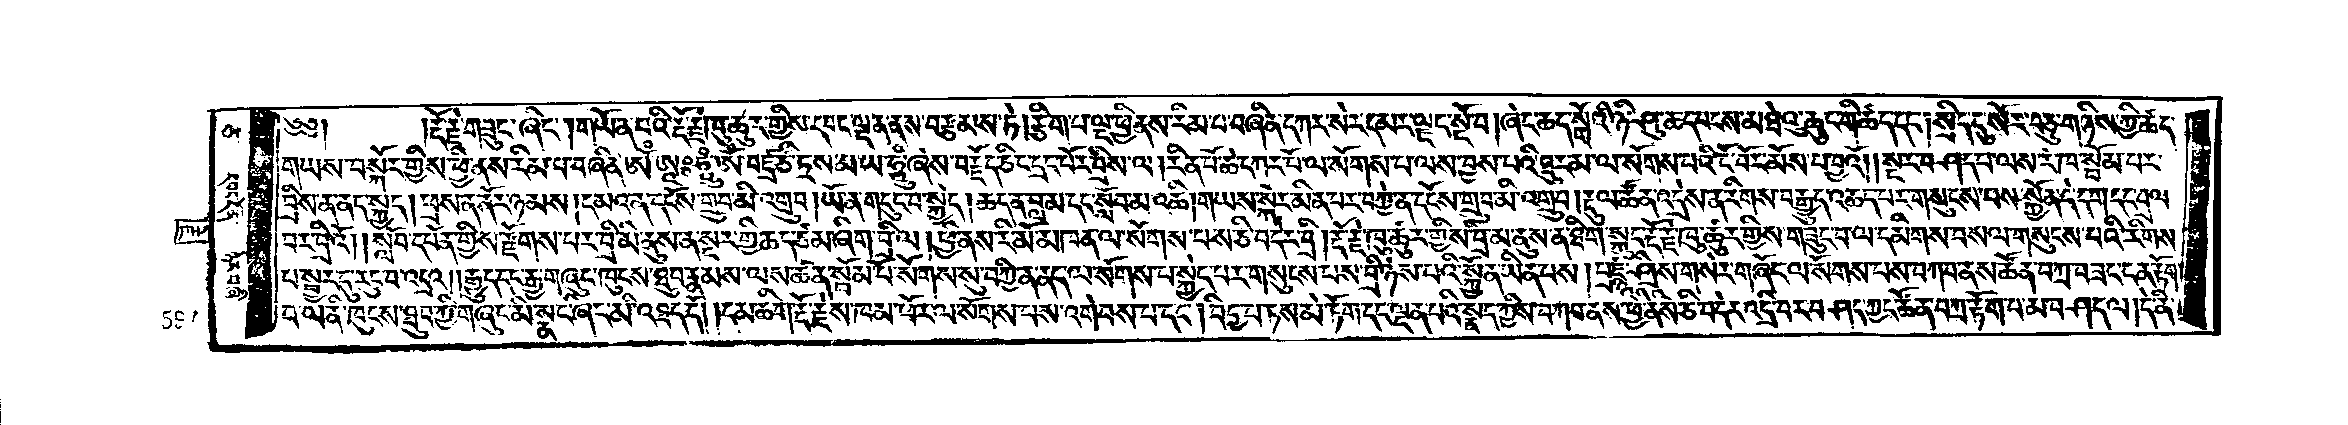༄༅། །རྡོ་རྗེ་གཟུང་ཞིང་། གཡོན་པའི་རྡོ་རྗེ་ཁུ་ཚུར་གྱིས་དབང་ལྡན་ནས་བརྩམས་ཏེ། རྩིག་པ་ལྔ་ཕྱི་ནས་རིམ་པ་བཞིན་དཀར་སེར་དམར་ལྗང་སྔོ་བ། ཞེང་ཆད་སྒོའི་ཉི་ཤུ་ཆད་པངས་མཐེའུ་ཆུང་གི་ཚད་དང་། སྲིད་དུ་སོར་བཅུ་གཉིས་ཀྱི་ཚད་
གཡས་བསྐོར་གྱིས་ཕྱི་ནས་རིམ་པ་བཞིན་ཨོཾ་ཨཱཿ ཧཱུཾ་ཨོཾ་བཛྲ་ཅི་ཏྲ་ས་མ་ཡ་ཧཱུཾ་ཞེས་བརྗོད་ཅིང་དྲང་པོར་བྲིས་ལ། རིན་པོ་ཆེ་དཀར་པོ་ལ་སོགས་པ་ལས་བྱས་པའི་ཐུར་མ་ལ་སོགས་པའི་ངོ་བོར་མོས་པ་བྱའོ། །སྔར་བཤད་པ་ལས་རེ་ཁ་སྦོམ་པར་
བྲིས་ན་ནད་སྐྱད། ཕྲས་ན་ནོར་ཉམས། དམའ་ན་དངོས་གྲུབ་མི་འགྲུབ། ཡོ་ན་གདུང་བ་སྐྱེད། ཆད་ན་བླ་མ་དང་སློབ་མ་འཆི། གཡས་སྐོར་མིན་པར་བཀྱེ་ན་དངོས་གྲུབ་མི་འགྲུབ། རྡུལ་ཚོན་འདྲེས་ན་རིགས་བརྒྱུད་འཆད་པར་གསུངས་པས་སྐྱོན་དེ་དག་དང་བྲལ་
བར་བྲིའོ། །སློབ་དཔོན་གྱིས་རྫོགས་པར་བྲི་མི་ནུས་ན་སྔར་གྱི་ཆད་ཙམ་ཞིག་བྲི་ལ། ཕྱི་ནས་རི་མོ་མཁན་ལ་སོགས་པས་ཅི་བདེར་བྲི། རྡོ་རྗེ་ཁུ་ཚུར་གྱིས་བྲི་མ་ནུས་ན་ཐིག་སྐུང་རྡོ་རྗེ་ཁུ་ཚུར་གྱིས་གཟུང་བ་ལ་དམིགས་བསལ་གསུངས་པའི་རིགས་
པ་སྦྱར་དུ་རུང་བ་འདྲའོ། །རྒྱུད་དང་རྒྱ་གཞུང་ཁུངས་ཐུབ་རྣམས་ལས་ཚོན་སྦོམ་པོ་སོགས་སུ་བགྱེ་ན་ནད་ལ་སོགས་པ་སྐྱེད་པར་གསུངས་པས་བྲི་ཉེས་པའི་སྐྱོན་ཡིན་པས། པྲཛྙཱ་ཤྲིས་གསེར་གཞོང་ལ་སོགས་པས་བཀབ་ནས་ཚོན་བཀྲ་བཟང་ངན་རྟོག་
པ་ལ་ནི་ཁུང་ཐུབ་ཀྱི་གཞུང་མི་སྣང་ཞིང་མི་འཐད་དོ། །དམ་ཚིག་རྡོ་རྗེ་ཁམ་ཕོར་ལ་སོགས་པས་འགེབས་པ་དང་། བིདྱ་པ་ཏས་མེ་ཏོག་དང་ལྡན་པའི་སྣོད་ཀྱིས་བཀབ་ནས་ཕྱི་ནས་ཅི་བདེར་འདྲི་བར་བཤད་ཀྱང་ཚོན་བཀྲ་རྟོག་པ་མ་བཤད་ལ། དེ་ནི་